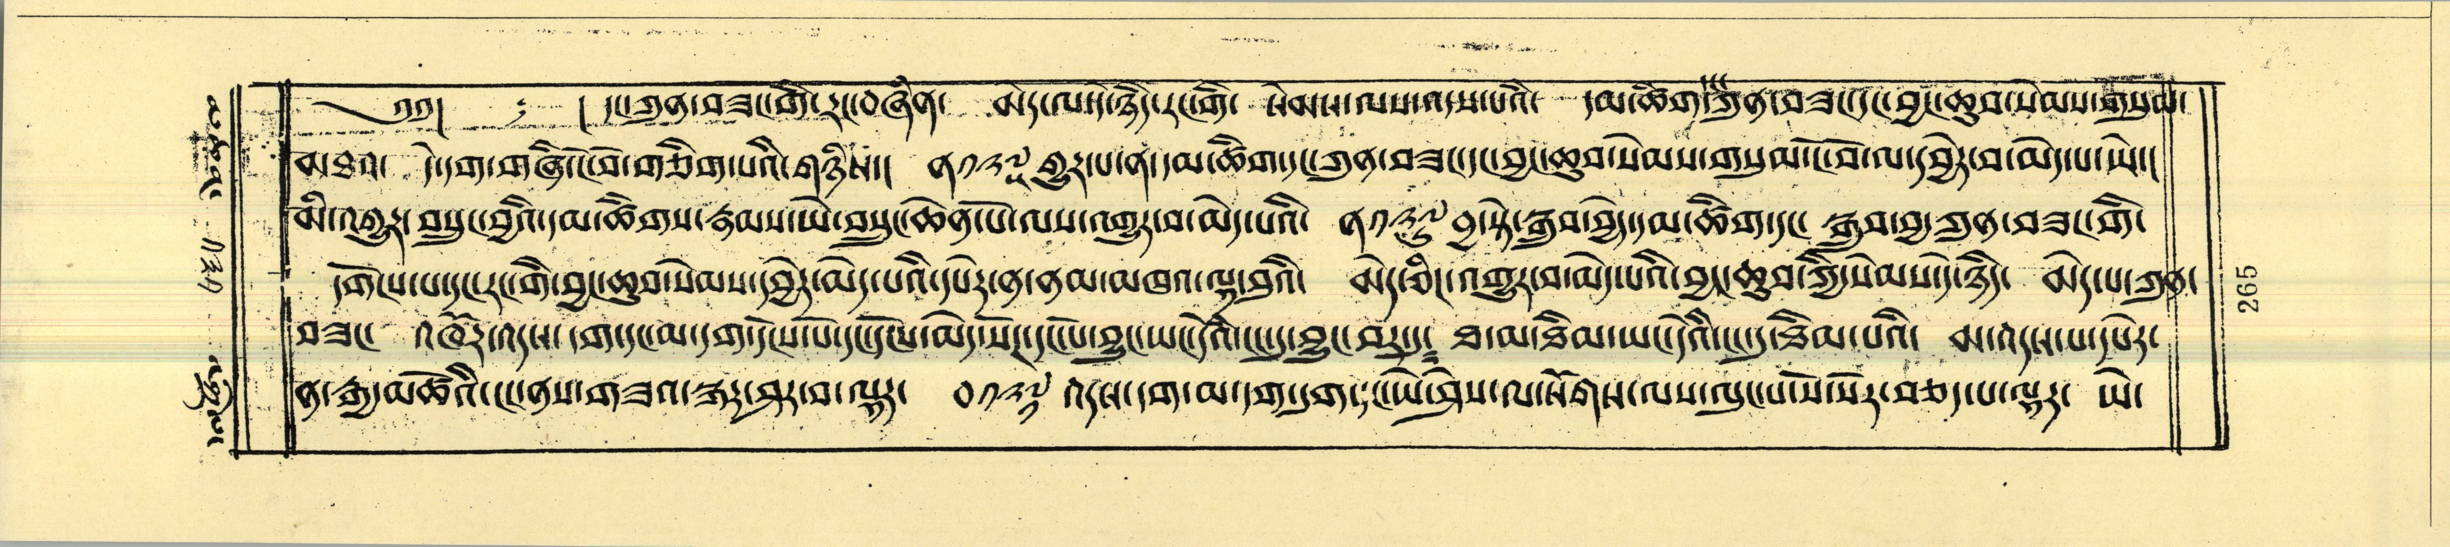དང་ཀུན་བཟང་གི་རང་བཞིན་ མེད་ལ་དེ་ཉིད་རང་གི་ སེམས་ལས་འདས་པའི། དམ་ཚིག་དང་ཀུན་བཟང་དང་བྱང་ཆུབ་སེམས་གསུམ་ 
མཐའ་ དེ་དག་གཞི་ངོ་བོ་གཅིག་པའི་གཉིས་ ན༡༢༧།༥ གྱུར་པ་ན་དམ་ཚིག་དང་ཀུན་བཟང་དང་བྱང་ཆུབ་སེམས་གསུམ་ངོ་བོ་ལ་དབྱེར་བ་མེད་པ་ ཡེ།
མི་འགྱུར་བསྲུང་བྱའི་དམ་ཚིགས་རྣམས་ཡེ་བསྲུང་ཆེན་པོ་ལས་འགྱུར་བ་མེད་པའི་ ན༡༢༧།༦ བྱ་སྟེ་སྒྲུབ་བྱེད་དམ་ཚིག་དང། སྒྲུབ་བྱ་ཀུན་བཟང་གི་
དགོངས་པ་དང་རང་གི་བྱང་ཆུབ་སེམས་དབྱེར་མེད་པའི་དཔེར་ན་ནམ་མཁའ་ལྟ་བུའི། མེད་ཅིང་འགྱུར་བ་མེད་པའི་བྱང་ཆུབ་ཀྱི་སེམས་དེ་ཉིད། མེད་པ་ཀུན་
བཟང། འཁོར་འདས་དག་དང་མ་དག་དངོས་པོ་དང་དངོས་མེད་སོགས་དང་པོ་བྱུང་ཡང་དེའི་ངང་དུ་བྱུང་བར་དུ། ཐ་མ་ཏིམ་ཡང་དེའི་ངང་དུ་ཐིམ་པའི། མ་འདས་པ་དཔེར་
ན་རྒྱ་མཚོའི་ངང་ནས་གཟའ་སྐར་ཤར་བ་ལྟར། བ༡༢༧།༡ འདས་དག་མ་དག་དུག་དང་ཡེ་ཤེས་ལ་སོགས་ལས་ལུང་པ་སོ་སོར་བཅད་པ་ལྟར། ཡེ་